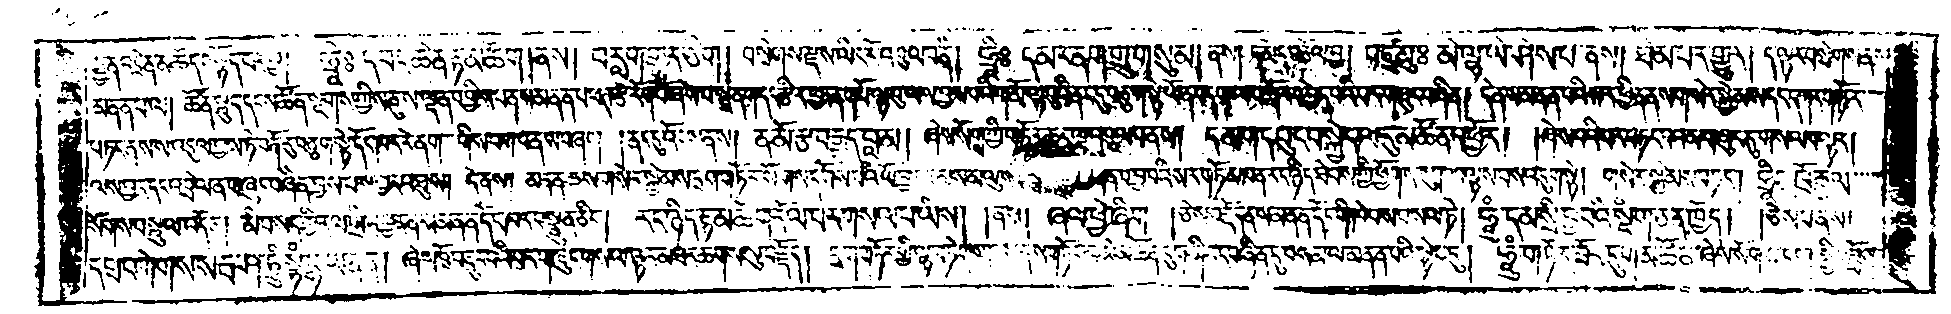སྤྱན་འདྲེན་མཆོད་བསྟོད་པར་བྱ། ཧྲཱིཿ དབང་ཆེན་རྟ་མཆོག །ནས། བརླག་གྱུར་ཅིག་།བསྲེགས་རྫས་ལིང་རོ་འབུལ་བ་ནི།  ཧྲཱིཿ དམར་ནག་གྲུ་གསུམ། ནས། དམོད་བཅོལ་བྱ།  བཛྲ་མུཿ མེ་ལྷ་ཡེ་ཤེས་པ་ནས། ཐིམ་པར་གྱུར། དེ་ལྟར་བསྲེགས་ནས་
མནན་པ་ལ། ཚོན་སྐུད་དང་ས་ཚོན་སྔགས་ཀྱིས་ནུས་ལྡན་བ་གྱིས་པ་ནས་མནན་པ་ཕཊ་རྩེ་རོག་པོ་ཞེས་པ་སྦྲ་ནག་དང་རྩིར་ཕྱད་ནག་པོ་ལྟ་བུ་ལས་བྱས་པའི་ཀ་མོ་ལྟ་བུའི་ནང་དུ་བཅུག་སྟེ་ཡོན་བདག་ལ་བསྐོར་བ་བྱེད་པའི་བར་གཞུང་བཞིན། དེ་ནས་མནན་པའི་སར་ཕྱིན་ནས་གསེར་སྐྱེམས་དང་དཀར་གཏོར་
བཏང་ནས་ས་འདུལ་བྱས་ཏེ་བརྐོ་རུ་བཅུག་སྟེ་དོང་ཁར་རེ་ནག་གིས་བཀབ་ནས་བཞག །ནང་དུ་འོངས་ནས། ན་མོ་རྩ་བརྒྱུད་བླ་མ། ཞེས་སོགས་ཀྱི་གཏོར་ཆུང་ལྔ་འབུལ་བ་ནས།  དམག་དཔུང་བསྐྱེད་ལ་དུ་མཚོན་འཕྱོར། །ཞེས་པའི་བར་བཏང་བའམ་གཞུང་དུ་གསལ་བ་ལྟར།
ལས་བྱང་དང་འབྲེལ་ན་གཞུང་བཞིན་བྱས་པས་ཀྱང་འཐུས། དེ་ནས། མནན་ཆས་གསེར་སྐྱེམས་དྲག་གཏོར་སོགས་དགོས་པའི་ཡོ་བྱད་རྣམས་མ་ལུས་པར་ཁྱེར་ཏེ་མནན་པ་བྱ་བའི་སར་གཏོ་མཁན་རང་ཉིད་ཐེབས་ཀྱི་ཕྱོགས་སུ་ཁ་བལྟས་བས་འདུག་སྟེ། གསེར་སྐྱེམས་བཏང་། ཧྲཱིཿ ཁྲོ་རྒྱལ་
སོགས་བསྐུལ་འདོན།  མི་བསད་ཀྱི་རལ་གྲི་འཕྱར་ནས་མནན་དོང་ཁར་བསྣུན་ཅིང་།  རང་ཉིད་རྟ་མཆོག་རོལ་བར་གསལ་བ་ཡིས། །ནས།  ཞལ་ཕྱེ་ཞིག་།ཅེས་བརྗོད་ནས་མནན་དོང་གི་ཁེབས་བསལ་ཏེ།  ཧཱུཾ་དམ་སྲི་བྱ་བའི་སྡིག་ཅན་ཁྱོད། །ཅེས་པ་ནས།
དགྲ་བགེགས་སརྦ་ཤ་ཏྲུཾ་སྟཾ་བྷ་ཡ་ནན། ཞེས་བྲོ་བརྡུང་བའི་བར་གཞུང་གསལ་ལྟར་མཐར་ཆགས་སུ་བརྗོད། དྲག་གཏོར་གྱི་ལྷ་བཏེགས་བྱས་ནས་གཏོར་མ་མེ་མཚོན་དུག་གི་རང་བཞིན་དུ་བསམ་ལ་མནན་པའི་སྟེང་དུ།  ཧཱུཾ་གཏོར་ཟོར་དུག་མཚོན་ཞེས་སོགས་དང་། སྤྱི་བཟློག་